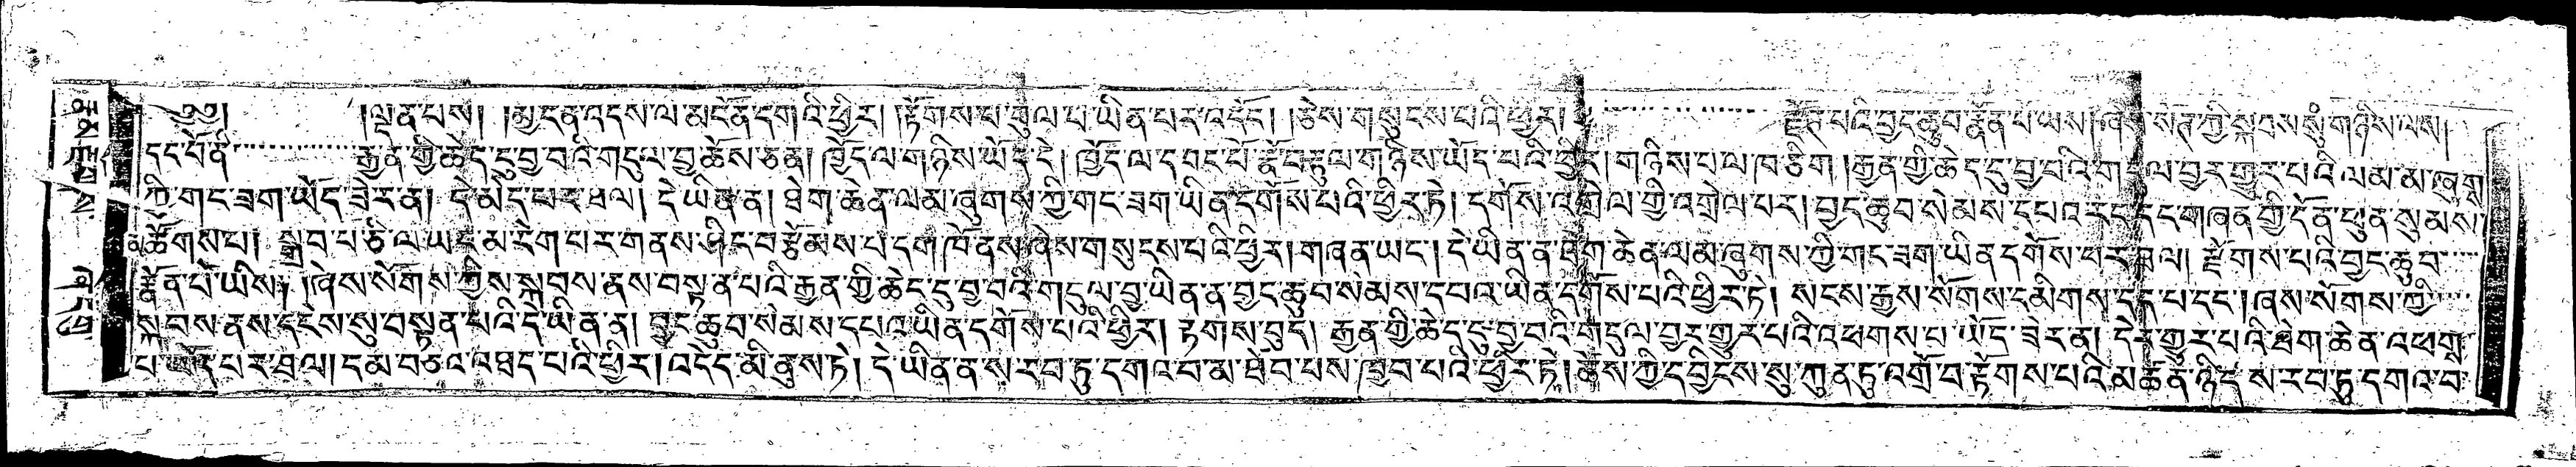༄༅། །ལྡན་པས། །མྱ་ངན་འདས་ལ་མངོན་དགའི་ཕྱིར། །རྟོགས་པ་བུལ་པ་ཡིན་པར་འདོད། །ཅེས་གསུངས་པའི་ཕྱིར། ༈ རྫོགས་པའི་བྱང་ཆུབ་རྣོན་པོ་ཡིས། ཞེས་སོགས་ཀྱི་སྐབས་སུ་གཉིས་ལས།
དང་པོ་ནི་རྒྱན་གྱི་ཆེད་དུ་བྱ་བའི་གདུལ་བྱ་ཆོས་ཅན། ཁྱོད་ལ་གཉིས་ཡོད་དེ། ཁྱོད་ལ་དབང་པོ་རྣོ་རྟུལ་གཉིས་ཡོད་པའི་ཕྱིར། གཉིས་པ་ལ་ཁ་ཅིག །རྒྱན་གྱི་ཆེད་དུ་བྱ་བའི་གདུལ་བྱར་གྱུར་པའི་ལམ་མ་ཞུགས་
ཀྱི་གང་ཟག་ཡོད་ཟེར་ན། དེ་མེད་པར་ཐལ། དེ་ཡིན་ན། ཐེག་ཆེན་ལམ་ཞུགས་ཀྱི་གང་ཟག་ཡིན་དགོས་པའི་ཕྱིར་ཏེ། དགོས་འགྲེལ་གྱི་འགྲེལ་པར། བྱང་ཆུབ་སེམས་དཔའ་རང་དང་གཞན་གྱི་དོན་ཕུན་སུམ་
ཚོགས་པ། སྒྲུབ་པ་ཅི་ལ་ཡང་མ་རིག་པར་གནས་ཤིང་རྩོམ་པ་དག་ཁོ་ནས་ཞེས་གསུངས་པའི་ཕྱིར། གཞན་ཡང་། དེ་ཡིན་ན་ཐེག་ཆེན་ལམ་ཞུགས་ཀྱི་གང་ཟག་ཡིན་དགོས་པར་ཐལ། རྫོགས་པའི་བྱང་ཆུབ་
རྣོན་པོ་ཡིས༑ །ཞེས་སོགས་ཀྱི་སྐབས་ནས་བསྟན་པའི་རྒྱན་གྱི་ཆེད་དུ་བྱ་བའི་གདུལ་བྱ་ཡིན་ན་བྱང་ཆུབ་སེམས་དཔའ་ཡིན་དགོས་པའི་ཕྱིར་ཏེ། སངས་རྒྱས་སོགས་དམིགས་དད་པ་དང་། ཞེས་སོགས་ཀྱི་
སྐབས་ནས་དངོས་སུ་བསྟན་པའི་དེ་ཡིན་ན། བྱང་ཆུབ་སེམས་དཔའ་ཡིན་དགོས་པའི་ཕྱིར། རྟགས་བུད། རྒྱན་གྱི་ཆེད་དུ་བྱ་བའི་གདུལ་བྱར་གྱུར་པའི་འཕགས་པ་ཡོད་ཟེར་ན། དེར་གྱུར་པའི་ཐེག་ཆེན་འཕགས་
པ་ཡོད་པར་ཐལ། དམ་བཅའ་འཐད་པའི་ཕྱིར། འདོད་མི་ནུས་ཏེ། དེ་ཡིན་ན་ས་རབ་ཏུ་དགའ་བ་མ་ཐོབ་པས་ཁྱབ་པའི་ཕྱིར་ཏེ། ཆོས་ཀྱི་དབྱིངས་ཀུན་ཏུ་འགྲོ་བ་རྟོགས་པའི་མཚན་ཉིད་ས་རབ་ཏུ་དགའ་བ་